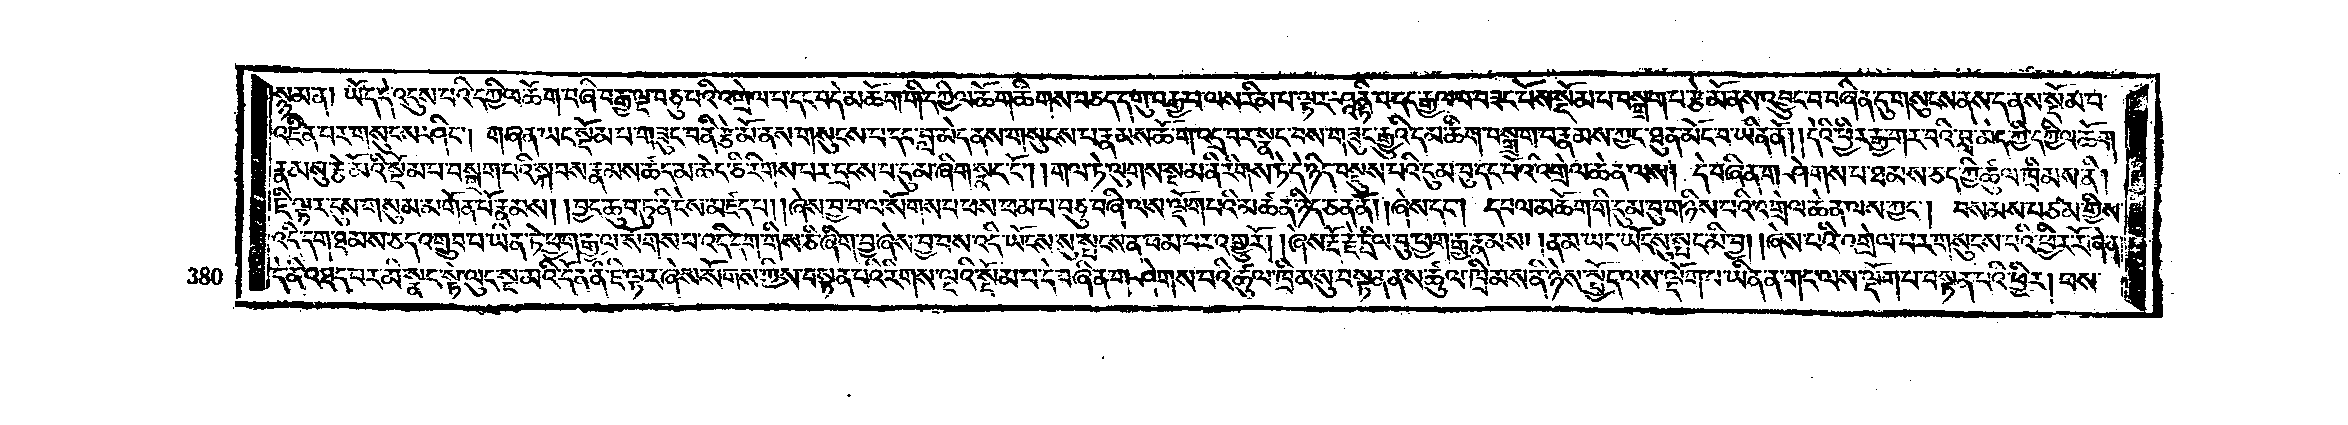སྙམ་ན། ཡོད་དེ་འདུས་པའི་དཀྱིལ་ཆོག་བཞི་བརྒྱ་ལྔ་བཅུ་པའི་འགྲེལ་པ་དང་བདེ་མཆོག་གི་དཀྱིལ་ཆོག་ཚིགས་བཅད་དགུ་བརྒྱ་བ་ལས་རིམ་པ་ལྟར་ཤཱནྟི་པ་དང་རྒྱལ་བ་བཟང་པོས་སྡོམ་པ་བསྒྲག་པ་རྩེ་མོ་ནས་འབྱུང་བ་བཞིན་དུ་གསུངས་ནས་ད་ནས་སྡོམ་པ་
འཛིན་པར་གསུངས་ཤིང་། གཞན་ཡང་སྡོམ་པ་གཟུང་བ་ནི་རྩེ་མོ་ནས་གསུངས་པ་དང་བླ་མེད་ནས་གསུངས་པ་རྣམས་ཆོ་ག་འདྲ་བར་སྣང་བས་གཟུང་རྒྱུའི་དམ་ཚིག་བསྒྲག་པ་རྣམས་ཀྱང་ཐུན་མོང་བ་ཡིན་ནོ། །དེའི་ཕྱིར་རྒྱ་གར་བའི་བླ་མེད་ཀྱི་དཀྱིལ་ཆོག་
རྣམས་སུ་རྩེ་མོའི་སྡོམ་པ་བསྒྲག་པའི་སྐབས་རྣམས་ཚད་མ་ཆེད་ཅི་རིགས་པར་དྲངས་པ་དུ་མ་ཞིག་སྣང་ངོ། །གལ་ཏེ་ལུགས་སྔ་མ་ནི་རིགས་ཏེ་དེ་ཉིད་བསྡུས་པའི་དུམ་བུ་དང་པོའི་འགྲེལ་ཆེན་ལས། དེ་བཞིན་གཤེགས་པ་ཐམས་ཅད་ཀྱི་ཚུལ་ཁྲིམས་ནི།
ཇི་ལྟར་དུས་གསུམ་མགོན་པོ་རྣམས། །བྱང་ཆུབ་ཏུ་ནི་ངེས་མཛད་པ། །ཞེས་བྱ་བ་ལ་སོགས་པ་ཕས་ཕམ་པ་བཅུ་བཞི་ལས་ལྡོག་པའི་མཚན་ཉིད་ཅན་ནོ། །ཞེས་དང་། དཔལ་མཆོག་གི་དུམ་བུ་གཉིས་པའི་འགྲེལ་ཆེན་ལས་ཀྱང་། བསམས་པ་ཙམ་གྱིས་
འདི་དག་ཐམས་ཅད་འགྲུབ་པ་ཡིན་ཏེ་ཕྱག་རྒྱ་ལ་སོགས་པ་འདི་དག་གིས་ཅི་ཞིག་བྱ་ཞེས་བྱ་བས་འདི་ཡོངས་སུ་སྤངས་ན་ཕམ་པར་འགྱུར་རོ། །ཞེས་རྡོ་རྗེ་དྲིལ་བུ་ཕྱག་རྒྱ་རྣམས། །ནམ་ཡང་ཡོངས་སུ་སྤང་མི་བྱ། །ཞེས་པའི་འགྲེལ་པར་གསུངས་པའི་ཕྱིར་རོ་ཞེ་ན།
དེ་ནི་འཐད་པར་མི་སྣང་སྟེ་ལུང་སྔ་མའི་དོན་ནི་ཇི་ལྟར་ཞེས་སོགས་ཀྱིས་བསྟན་པའི་རིགས་ལྔའི་སྡོམ་པ་དེ་བཞིན་གཤེགས་པའི་ཚུལ་ཁྲིམས་སུ་བསྟན་ནས་ཚུལ་ཁྲིམས་ནི་ཉེས་སྤྱོད་ལས་ལྡོག་པ་ཡིན་ན་གང་ལས་ལྡོག་པ་བསྟན་པའི་ཕྱིར། ཕས་